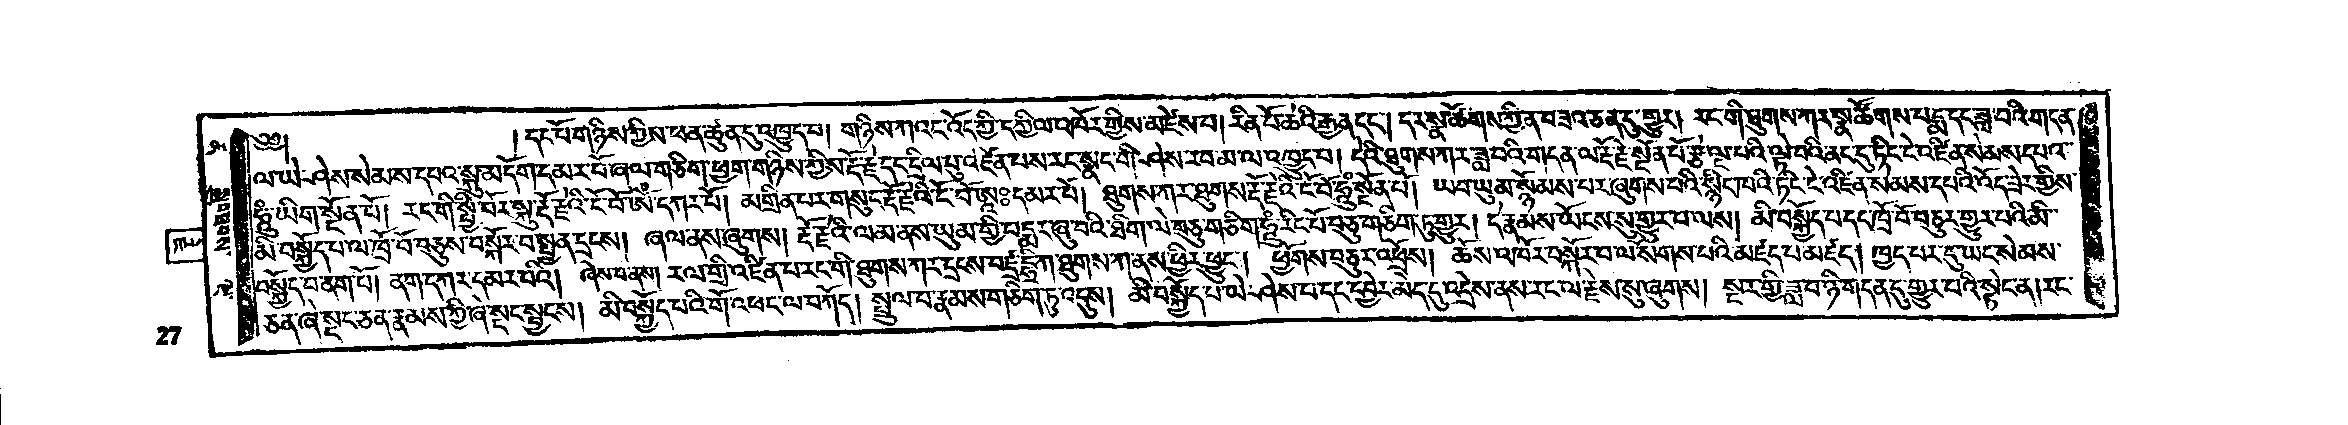༄༅། །དང་པོ་གཉིས་ཀྱིས་ཕན་ཚུན་དུ་འཁྱུད་པ། གཉིས་ཀའང་འོད་ཀྱི་དཀྱིལ་འཁོར་གྱིས་མཛེས་པ། རིན་པོ་ཆེའི་རྒྱན་དང་། དར་སྣ་ཚོགས་ཀྱི་ན་བཟའ་ཅན་དུ་གྱུར། རང་གི་ཐུགས་ཀར་སྣ་ཚོགས་པདམ་དང་ཟླ་བའི་གདན་
ལ་ཡེ་ཤེས་སེམས་དཔའ་སྐུ་མདོག་དམར་པོ་ཞལ་གཅིག་ཕྱག་གཉིས་ཀྱིས་རྡོ་རྗེ་དང་དྲིལ་བུ་འཛིན་པས་རང་སྣང་གི་ཤེས་རབ་མ་ལ་འཁྱུད་པ། དེའི་ཐུགས་ཀར་ཟླ་བའི་གདན་ལ་རྡོ་རྗེ་སྔོན་པོ་རྩེ་ལྔ་པའི་ལྟེ་བའི་ནང་དུ་ཏིང་ངེ་འཛིན་སེམས་དཔའ་
ཧཱུཾ་ཡིག་སྔོན་པོ། རང་གི་སྤྱི་བོར་སྐུ་རྡོ་རྗེའི་ངོ་བོ་ཨོཾ་དཀར་པོ། མགྲིན་པར་གསུང་རྡོ་རྗེའི་ངོ་བོ་ཨཱཿ དམར་པོ། ཐུགས་ཀར་ཐུགས་རྡོ་རྗེའི་ངོ་བོ་ཧཱུཾ་སྔོན་པོ། ཡབ་ཡུམ་སྙོམས་པར་ཞུགས་པའི་སྙིང་ཁའི་ཏིང་ངེ་འཛིན་སེམས་དཔའ་འོད་ཟེར་གྱིས་
མི་བསྐྱོད་པ་ལ་ཁྲོ་བོ་བཅུས་བསྐོར་བ་སྤྱན་དྲངས། ཞལ་ནས་ཞུགས། རྡོ་རྗེའི་ལམ་ནས་ཡུམ་གྱི་པདམར་ཞུ་བའི་ཐིག་ལེ་བཅུ་གཅིག་ཧཱུཾ་རིང་པོ་བཅུ་གཅིག་ཏུ་གྱུར། དེ་རྣམས་ཡོངས་སུ་གྱུར་པ་ལས། མི་བསྐྱོད་པ་དང་ཁྲོ་བོ་བཅུར་གྱུར་པའི་མི་
བསྐྱོད་པ་ནག་པོ། ནག་དཀར་དམར་བའི། ཞེས་པ་ནས། རལ་གྲི་འཛིན་པ་རང་གི་ཐུགས་ཀར་དྲངས་བཛྲ་དྷྲི་ཀ་ཐུགས་ཀ་ནས་ཕྱིར་ཕྱུང་། ཕྱོགས་བཅུར་འཕྲོས། ཆོས་འཁོར་བསྐོར་བ་ལ་སོགས་པའི་མཛད་པ་མཛད། ཁྱད་པར་དུ་ཡང་སེམས་
ཅན་ཞེ་སྡང་ཅན་རྣམས་ཀྱི་ཞེ་སྡང་སྦྱངས། མི་བསྐྱོད་པའི་གོ་འཕང་ལ་བཀོད། སྤྲུལ་པ་རྣམས་གཅིག་ཏུ་འདུས། མི་བསྐྱོད་པ་ཡེ་ཤེས་པ་དང་དབྱེར་མེད་དུ་འདྲེས་ནས་རང་ལ་རྗེས་སུ་ཞུགས། སྔར་གྱི་ཟླ་བ་ཉི་གདན་དུ་གྱུར་པའི་སྟེང་ན། རང་